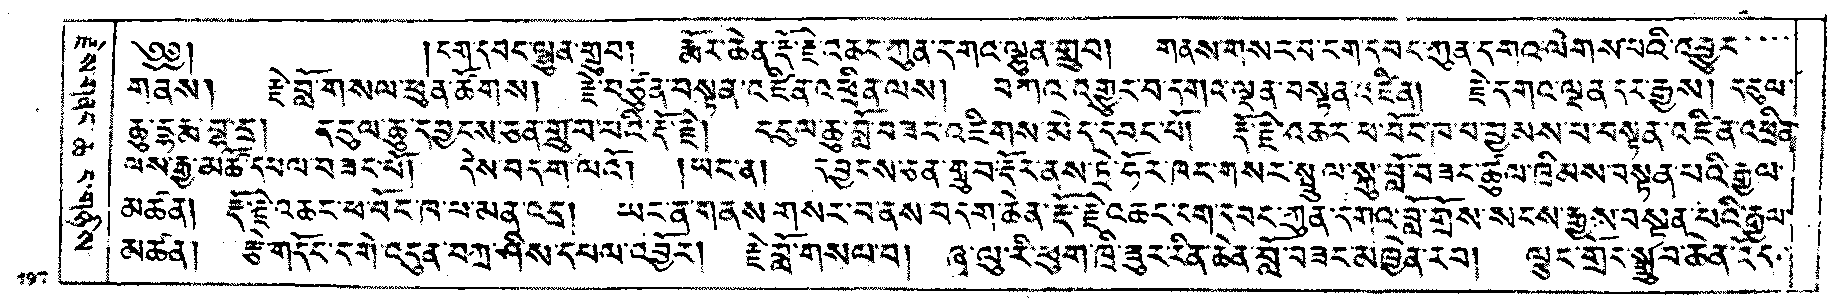༄༅། །ངག་དབང་ལྷུན་གྲུབ། རྨོར་ཆེན་རྡོ་རྗེ་འཆང་ཀུན་དགའ་ལྷུན་གྲུབ། གནས་གསར་བ་ངག་དབང་ཀུན་དགའ་ལེགས་པའི་འབྱུང་
གནས། རྗེ་བློ་གསལ་ཕུན་ཚོགས། རྗེ་བཙུན་བསྟན་འཛིན་འཕྲིན་ལས། བཀའ་འགྱུར་བ་དགའ་ལྡན་བསྟན་འཛིན། རྗེ་དགའ་ལྡན་དར་རྒྱས། དངུལ་
ཆུ་དྷརྨ་བྷ་དྲ། དངུལ་ཆུ་དབྱངས་ཅན་གྲུབ་པའི་རྡོ་རྗེ། དངུལ་ཆུ་བློ་བཟང་འཇིགས་མེད་དབང་པོ། རྡོ་རྗེ་འཆང་ཕ་བོང་ཁ་པ་བྱམས་པ་བསྟན་འཛིན་འཕྲིན་
ལས་རྒྱ་མཚོ་དཔལ་བཟང་པོ། དེས་བདག་ལའོ། །ཡང་ན། དབྱངས་ཅན་གྲུབ་རྡོར་ནས་ཏྲེ་ཧོར་ཁང་གསར་སྤྲུལ་སྐུ་བློ་བཟང་ཚུལ་ཁྲིམས་བསྟན་པའི་རྒྱལ་
མཚན། རྡོ་རྗེ་འཆང་ཕ་བོང་ཁ་པ་མན་འདྲ། ཡང་ན་གནས་གསར་བ་ནས་བདག་ཆེན་རྡོ་རྗེ་འཆང་ངག་དབང་ཀུན་དགའ་བློ་གྲོས་སངས་རྒྱས་བསྟན་པའི་རྒྱལ་
མཚན། རྩེ་གདོང་དགེ་འདུན་བཀྲ་ཤིས་དཔལ་འབྱོར། རྗེ་བློ་གསལ་བ། ཞྭ་ལུ་རི་ཕུག་ཁྲི་ཟུར་རིན་ཆེན་བློ་བཟང་མཁྱེན་རབ། ལྕང་གྲོང་སྒྲུབ་ཆེན་འོད་